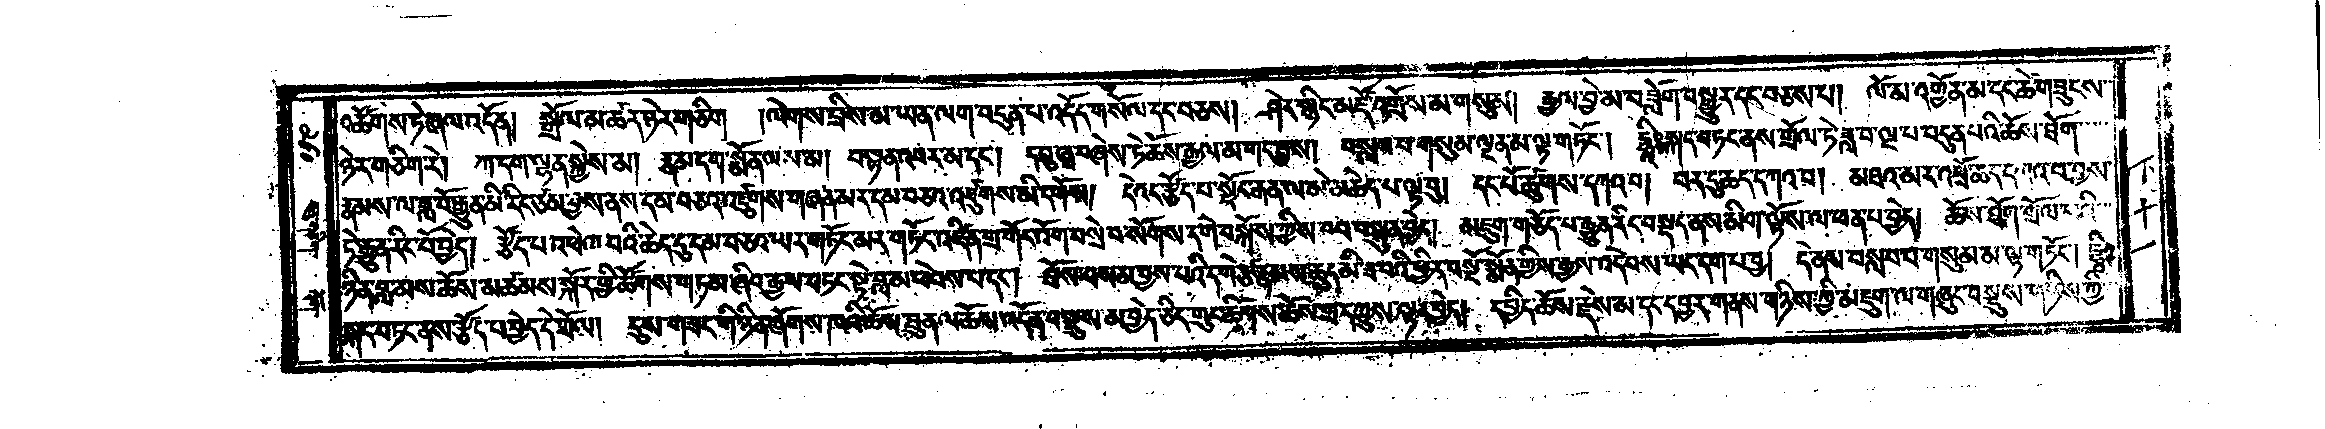འཚོགས་ཏེ་ཞལ་འདོན། སྒྲོལ་མ་ཚར་ཉེར་གཅིག །ལེགས་བྲིས་མ་ཡན་ལག་བདུན་པ་འདོད་གསོལ་དང་བཅས། ཤེར་སྙིང་མཛོ་འགྲོས་མ་གསུམ། རྒྱལ་བྱེ་མ་བཟློག་བསྒྱུར་དང་བཅས་པ། ལོ་མ་འགྱོན་མ་དང་ཚེ་གཟུངས་
ཉེར་གཅིག་རེ། ཀ་དག་ལྷན་སྐྱེས་མ། རྣམ་དག་སྨོན་ལམ་མ། བསྟན་འབར་མ་དང་། དབུ་ཞྭ་བཞེས་ཏེ་ཆོས་རྒྱལ་མ་གང་རྒྱས། བསླབ་པ་གསུམ་ལྡན་མ་ལྟ་གཏོང་། དྷཱིཿསྐད་བཏང་ནས་གྲོལ་ཏེ་ཟླ་བ་ལྔ་པ་བདུན་པའི་ཆོས་ཐོག་
རྣམས་ལ་ཟླ་བོ་རྒྱུན་མི་རིང་ཙམ་བྱས་ནས་དམ་བཅའ་འཛུགས་གཞན་མར་དམ་བཅའ་འཛུགས་མི་དགོས། དེའང་རྩོད་པ་སྡོང་རྒན་ལ་མེ་མཆེད་པ་ལྟ་བུ། དང་པོ་ཚུགས་དཀའ་བ། བར་དུ་ཆད་དཀའ་བ། མཐའ་མར་འཕྲོ་ཆད་དཀའ་བ་བྱས་
ཏེ་རྒྱུན་རིང་པོ་བྱེད། རྩོད་པ་འཕེལ་བའི་ཆེད་དུ་དམ་བཅའ་ཡར་གཏོང་མར་གཏོང་འཛིན་གྲ་གོང་འོག་བསྲེབ་སོགས་དགེ་བསྐོས་ཀྱིས་བབ་བསྟུན་བྱེད། མཇུག་གཅོད་པ་རྒྱུན་རིང་བསྡད་ནས་མིག་ལྟོས་ལ་ཕན་པ་བྱེད། ཆོས་ཐོག་གྲོལ་པའི་
ཉིན་བླ་མས་ཆོས་མཚམས་སྐོར་གྱི་ཚོགས་གཏམ་ཞིབ་རྒྱས་བཏང་སྟེ་བླ་མ་ཕེབས་པ་དང་། ཐོས་བསམ་བྱས་པའི་དགེ་རྩ་རྣམས་ཆུད་མི་ཟ་བའི་ཕྱིར་བསྔོ་སྨོན་གྱིས་རྒྱས་འདེབས་ཡང་དག་པ་བྱ། དེ་ནས་བསླབ་པ་གསུམ་མ་ལྟ་གཏོང་། དྷཱིཿ
སྐད་བཏང་ནས་རྩོད་པ་བྱེད་དེ་གྲོལ། དུས་གཟང་གི་ཉིན་ཞོགས་ཁའི་ཆོས་ཐུན་ལ་ཆོས་འདོན་བསྡུས་མ་བྱེད་ཅིང་གུང་ཚིགས་ཆོས་གྲ་དཀྱུས་ལྟར་བྱེད། དཔྱིད་ཆོས་རྗེས་མ་དང་དབྱར་གནས་གཉིས་ཀྱི་མཇུག་ལ་གཞུང་བསྡུས་གཉིས་ཀྱི་